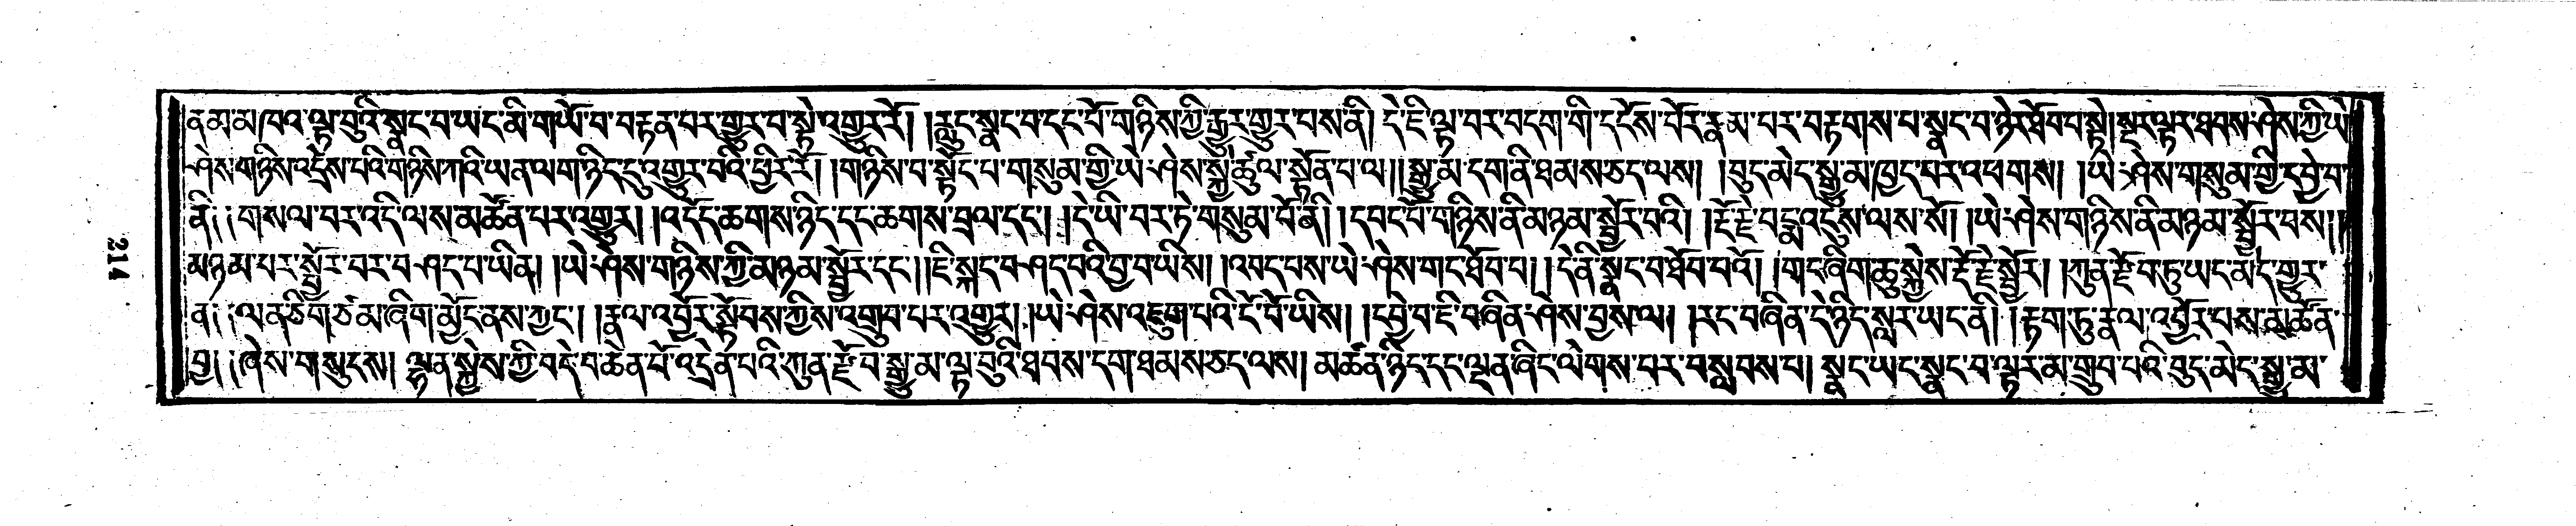ནམ་མཁའ་ལྟ་བུའི་སྣང་བ་ཡང་མི་གཡོ་བ་བརྟན་པར་གྱུར་པ་སྟེ་འགྱུར་རོ། །རླུང་སྣང་བ་དང་པོ་གཉིས་ཀྱི་རྒྱུར་གྱུར་བས་ནི། དེ་ཇི་ལྟ་བར་བདག་གི་དངོས་པོར་རྣམ་པར་བརྟགས་པ་སྣང་བ་ཉེར་ཐོབ་པ་སྟེ། སྔར་ལྟར་ཐབས་ཤེས་ཀྱི་ཡེ་
ཤེས་གཉིས་འདྲེས་པའི་གཉིས་ཀའི་ཡན་ལག་ཉིད་དུ་འགྱུར་བའི་ཕྱིར་རོ། །གཉིས་པ་སྟོང་པ་གསུམ་གྱི་ཡེ་ཤེས་སྐྱེ་ཚུལ་སྟོན་པ་ལ། །སྒྱུ་མ་དག་ནི་ཐམས་ཅད་ལས། །བུད་མེད་སྒྱུ་མ་ཁྱད་པར་འཕགས། །ཡེ་ཤེས་གསུམ་གྱི་དབྱེ་བ་
ནི། །གསལ་བར་འདི་ལས་མཚོན་པར་འགྱུར། །འདོད་ཆགས་ཉིད་དང་ཆགས་བྲལ་དང་། །དེ་ཡི་བར་ཏེ་གསུམ་པོ་ནི། །དབང་པོ་གཉིས་ནི་མཉམ་སྦྱོར་བའི། །རྡོ་རྗེ་པདམ་འདུས་ལས་སོ། །ཡེ་ཤེས་གཉིས་ནི་མཉམ་སྦྱོར་བས། །
མཉམ་པར་སྦྱོར་བར་བཤད་པ་ཡིན། །ཡེ་ཤེས་གཉིས་ཀྱི་མཉམ་སྦྱོར་དང་། །ཇི་སྐད་བཤད་པའི་བྱ་བ་ཡིས། །འབད་པས་ཡེ་ཤེས་གང་ཐོབ་པ། །དེ་ནི་སྣང་བ་ཐོབ་པའོ། །གང་ཞིག་ཆུ་སྐྱེས་རྡོ་རྗེ་སྦྱོར། །ཀུན་རྫོབ་ཏུ་ཡང་མེད་གྱུར་
ན། །ལན་ཅིག་ཙམ་ཞིག་མྱོང་ནས་ཀྱང་། །རྣལ་འབྱོར་སྟོབས་ཀྱིས་འགྲུབ་པར་འགྱུར། །ཡེ་ཤེས་འཇུག་པའི་ངོ་བོ་ཡིས། །དབྱེ་བ་ཇི་བཞིན་ཤེས་བྱས་ལ། །རང་བཞིན་དེ་ཉིད་སླར་ཡང་ནི། །རྟག་ཏུ་རྣལ་འབྱོར་པས་མཚོན་
བྱ། །ཞེས་གསུངས། ལྷན་སྐྱེས་ཀྱི་བདེ་བ་ཆེན་པོ་འདྲེན་པའི་ཀུན་རྫོབ་སྒྱུ་མ་ལྟ་བུའི་ཐབས་དག་ཐམས་ཅད་ལས། མཚན་ཉིད་དང་ལྡན་ཞིང་ལེགས་པར་བསླབས་པ། སྣང་ཡང་སྣང་བ་ལྟར་མ་གྲུབ་པའི་བུད་མེད་སྒྱུ་མ་